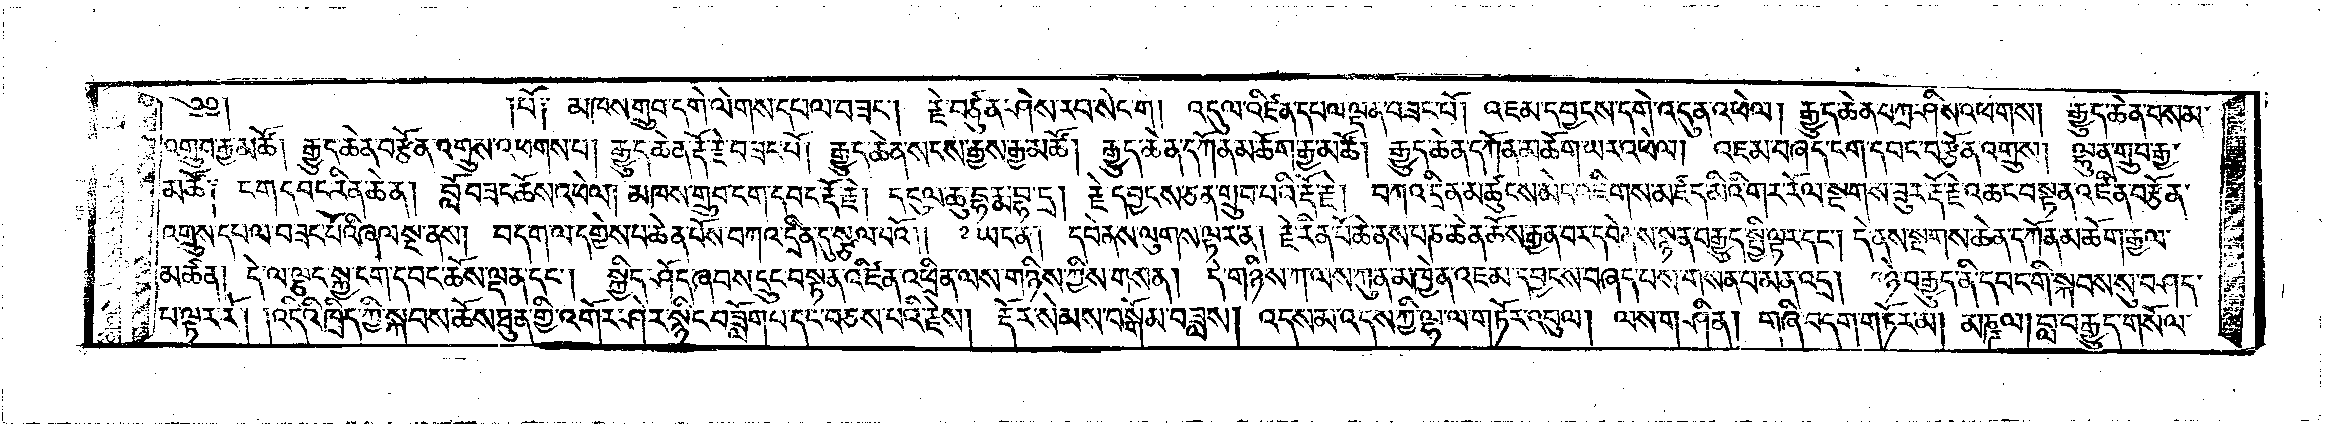༄༅། །པོ༑ མཁས་གྲུབ་དགེ་ལེགས་དཔལ་བཟང་། རྗེ་བཙུན་ཤེས་རབ་སེང་གེ། འདུལ་འཛིན་དཔལ་ལྡན་བཟང་པོ། འཇམ་དབྱངས་དགེ་འདུན་འཕེལ། རྒྱུད་ཆེན་བཀྲ་ཤིས་འཕགས། རྒྱུད་ཆེན་བསམ་
འགྲུབ་རྒྱ་མཚོ། རྒྱུད་ཆེན་བརྩོན་འགྲུས་འཕགས་པ། རྒྱུད་ཆེན་རྡོ་རྗེ་བཟང་པོ། རྒྱུད་ཆེན་སངས་རྒྱས་རྒྱ་མཚོ། རྒྱུད་ཆེན་དཀོན་མཆོག་རྒྱ་མཚོ། རྒྱུད་ཆེན་དཀོན་མཆོག་ཡར་འཕེལ། འཇམ་བཞད་ངག་དབང་བརྩོན་འགྲུས། ལྷུན་གྲུབ་རྒྱ་
མཚོ༑ ངག་དབང་རིན་ཆེན། བློ་བཟང་ཆོས་འཕེལ། མཁས་གྲུབ་ངག་དབང་རྡོ་རྗེ། དངུལ་ཆུ་དྷརྨ་བྷ་དྲ། རྗེ་དབྱངས་ཅན་གྲུབ་པའི་རྡོ་རྗེ། བཀའ་དྲིན་མཚུངས་མེད་འཇིགས་མཛད་མིའི་གར་རོལ་སྔགས་ཟུར་རྡོ་རྗེ་འཆང་བསྟན་འཛིན་བརྩོན་
འགྲུས་དཔལ་བཟང་པོའི་ཞལ་སྔ་ནས། བདག་ལ་དགྱེས་པ་ཆེན་པོས་བཀའ་དྲིན་དུ་སྩལ་བའོ།། ༧ཡང་ན། དབེན་ས་ལུགས་ལྟར་ན། རྗེ་རིན་པོ་ཆེ་ནས་པཎ་ཆེན་ཆོས་རྒྱན་བར་དབེན་ས་སྙན་བརྒྱུད་སྤྱི་ལྟར་དང་། དེ་ནས་སྔགས་ཆེན་དཀོན་མཆོག་རྒྱལ་
མཚན། དེ་ལ་ལྕང་སྐྱ་ངག་དབང་ཆོས་ལྡན་དང་། སྐྱིད་ཤོད་ཞབས་དྲུང་བསྟན་འཛིན་འཕྲིན་ལས་གཉིས་ཀྱི་གསན། དེ་གཉིས་ཀ་ལས་ཀུན་མཁྱེན་འཇམ་དབྱངས་བཞད་པས་གསན་པ་མན་འདྲ། ༧ཉེ་བརྒྱུད་ནི་དབང་གི་སྐབས་སུ་བཤད་
པ་ལྟར་རོ། །འདིའི་ཁྲིད་ཀྱི་སྐབས་ཆོས་ཐུན་གྱི་འགོར་ཤེར་སྙིང་བཟློག་པ་དང་བཅས་པའི་རྗེས། རྡོར་སེམས་བསྒོམ་བཟླས། འདས་མ་འདས་ཀྱི་ལྷ་ལ་གཏོར་འབུལ། ལས་གཤིན། གཞི་བདག་གཏོར་མ། མཎྜལ། བླ་བརྒྱུད་གསོལ་